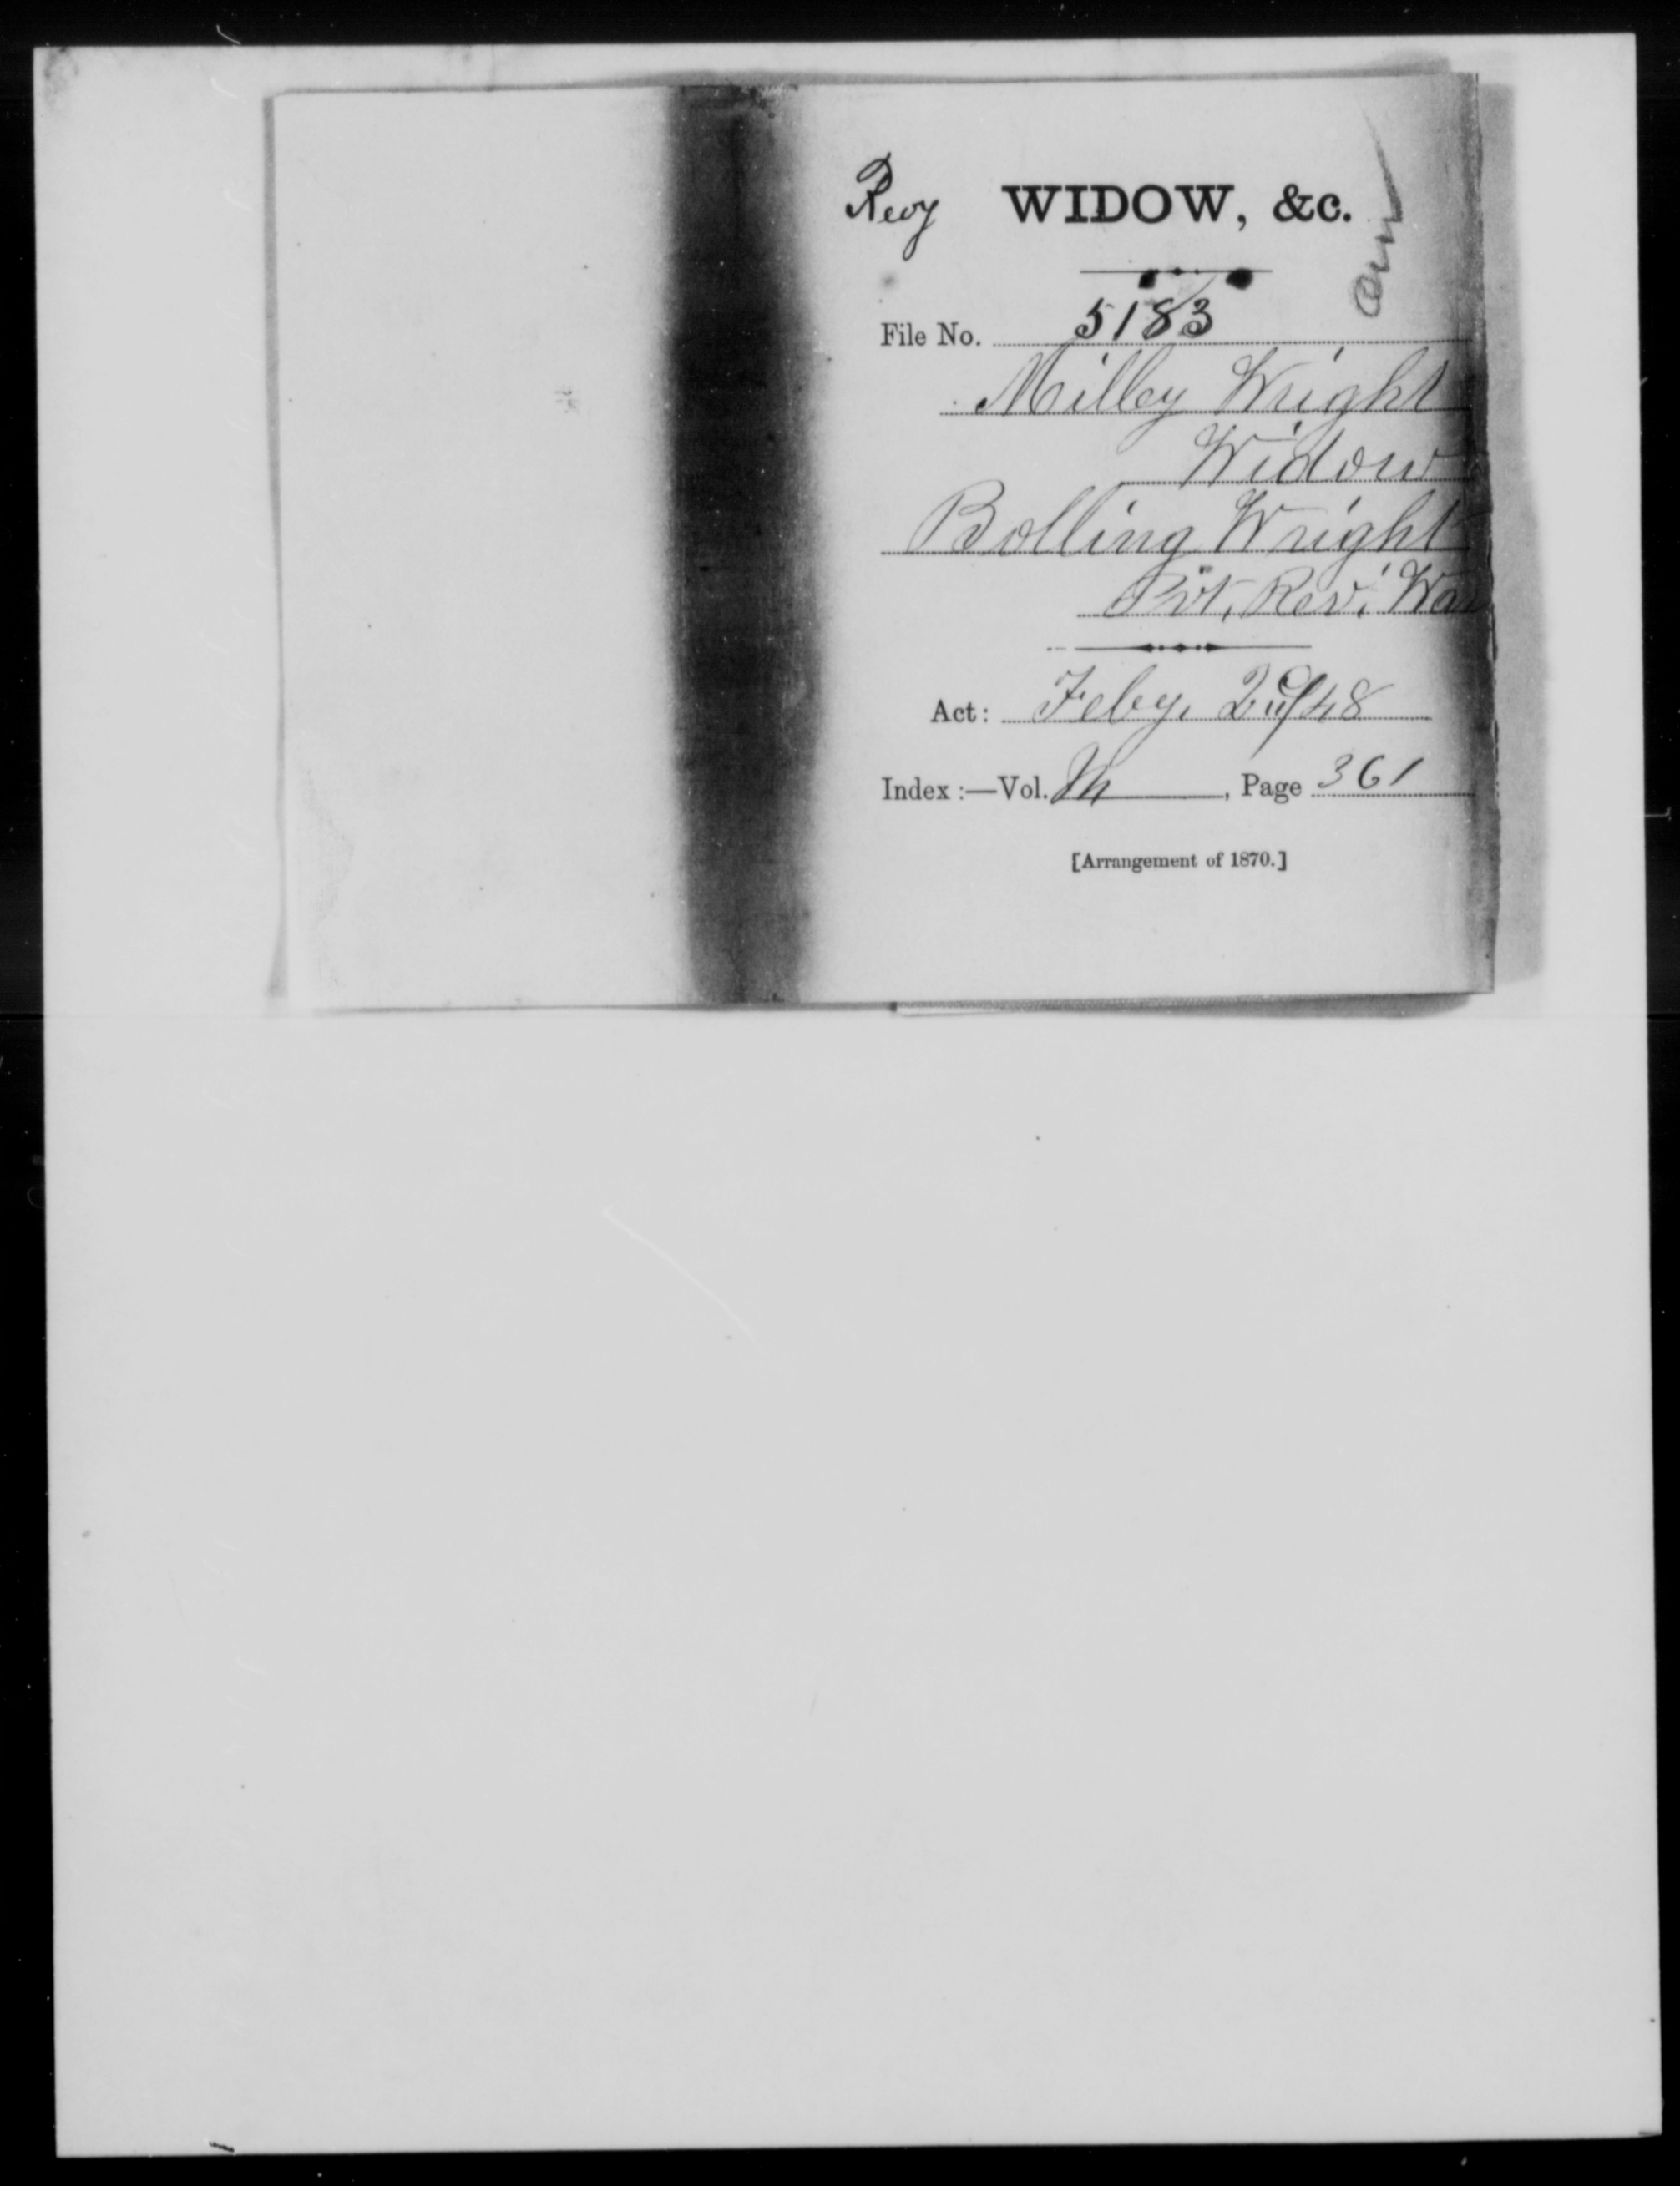Revy WIDOW, &c.

File No. 5183
Milley Wright
Widow
Bolling Wright
Pit, Rev. War

Act: Feby, 2../48
Index: -- Vol. M, Page 361

[Arrangement of 1870.]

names: Milley Wright, Bolling Wright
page: 33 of 81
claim: widow's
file: W. 5183, Bolling Wright, Va.